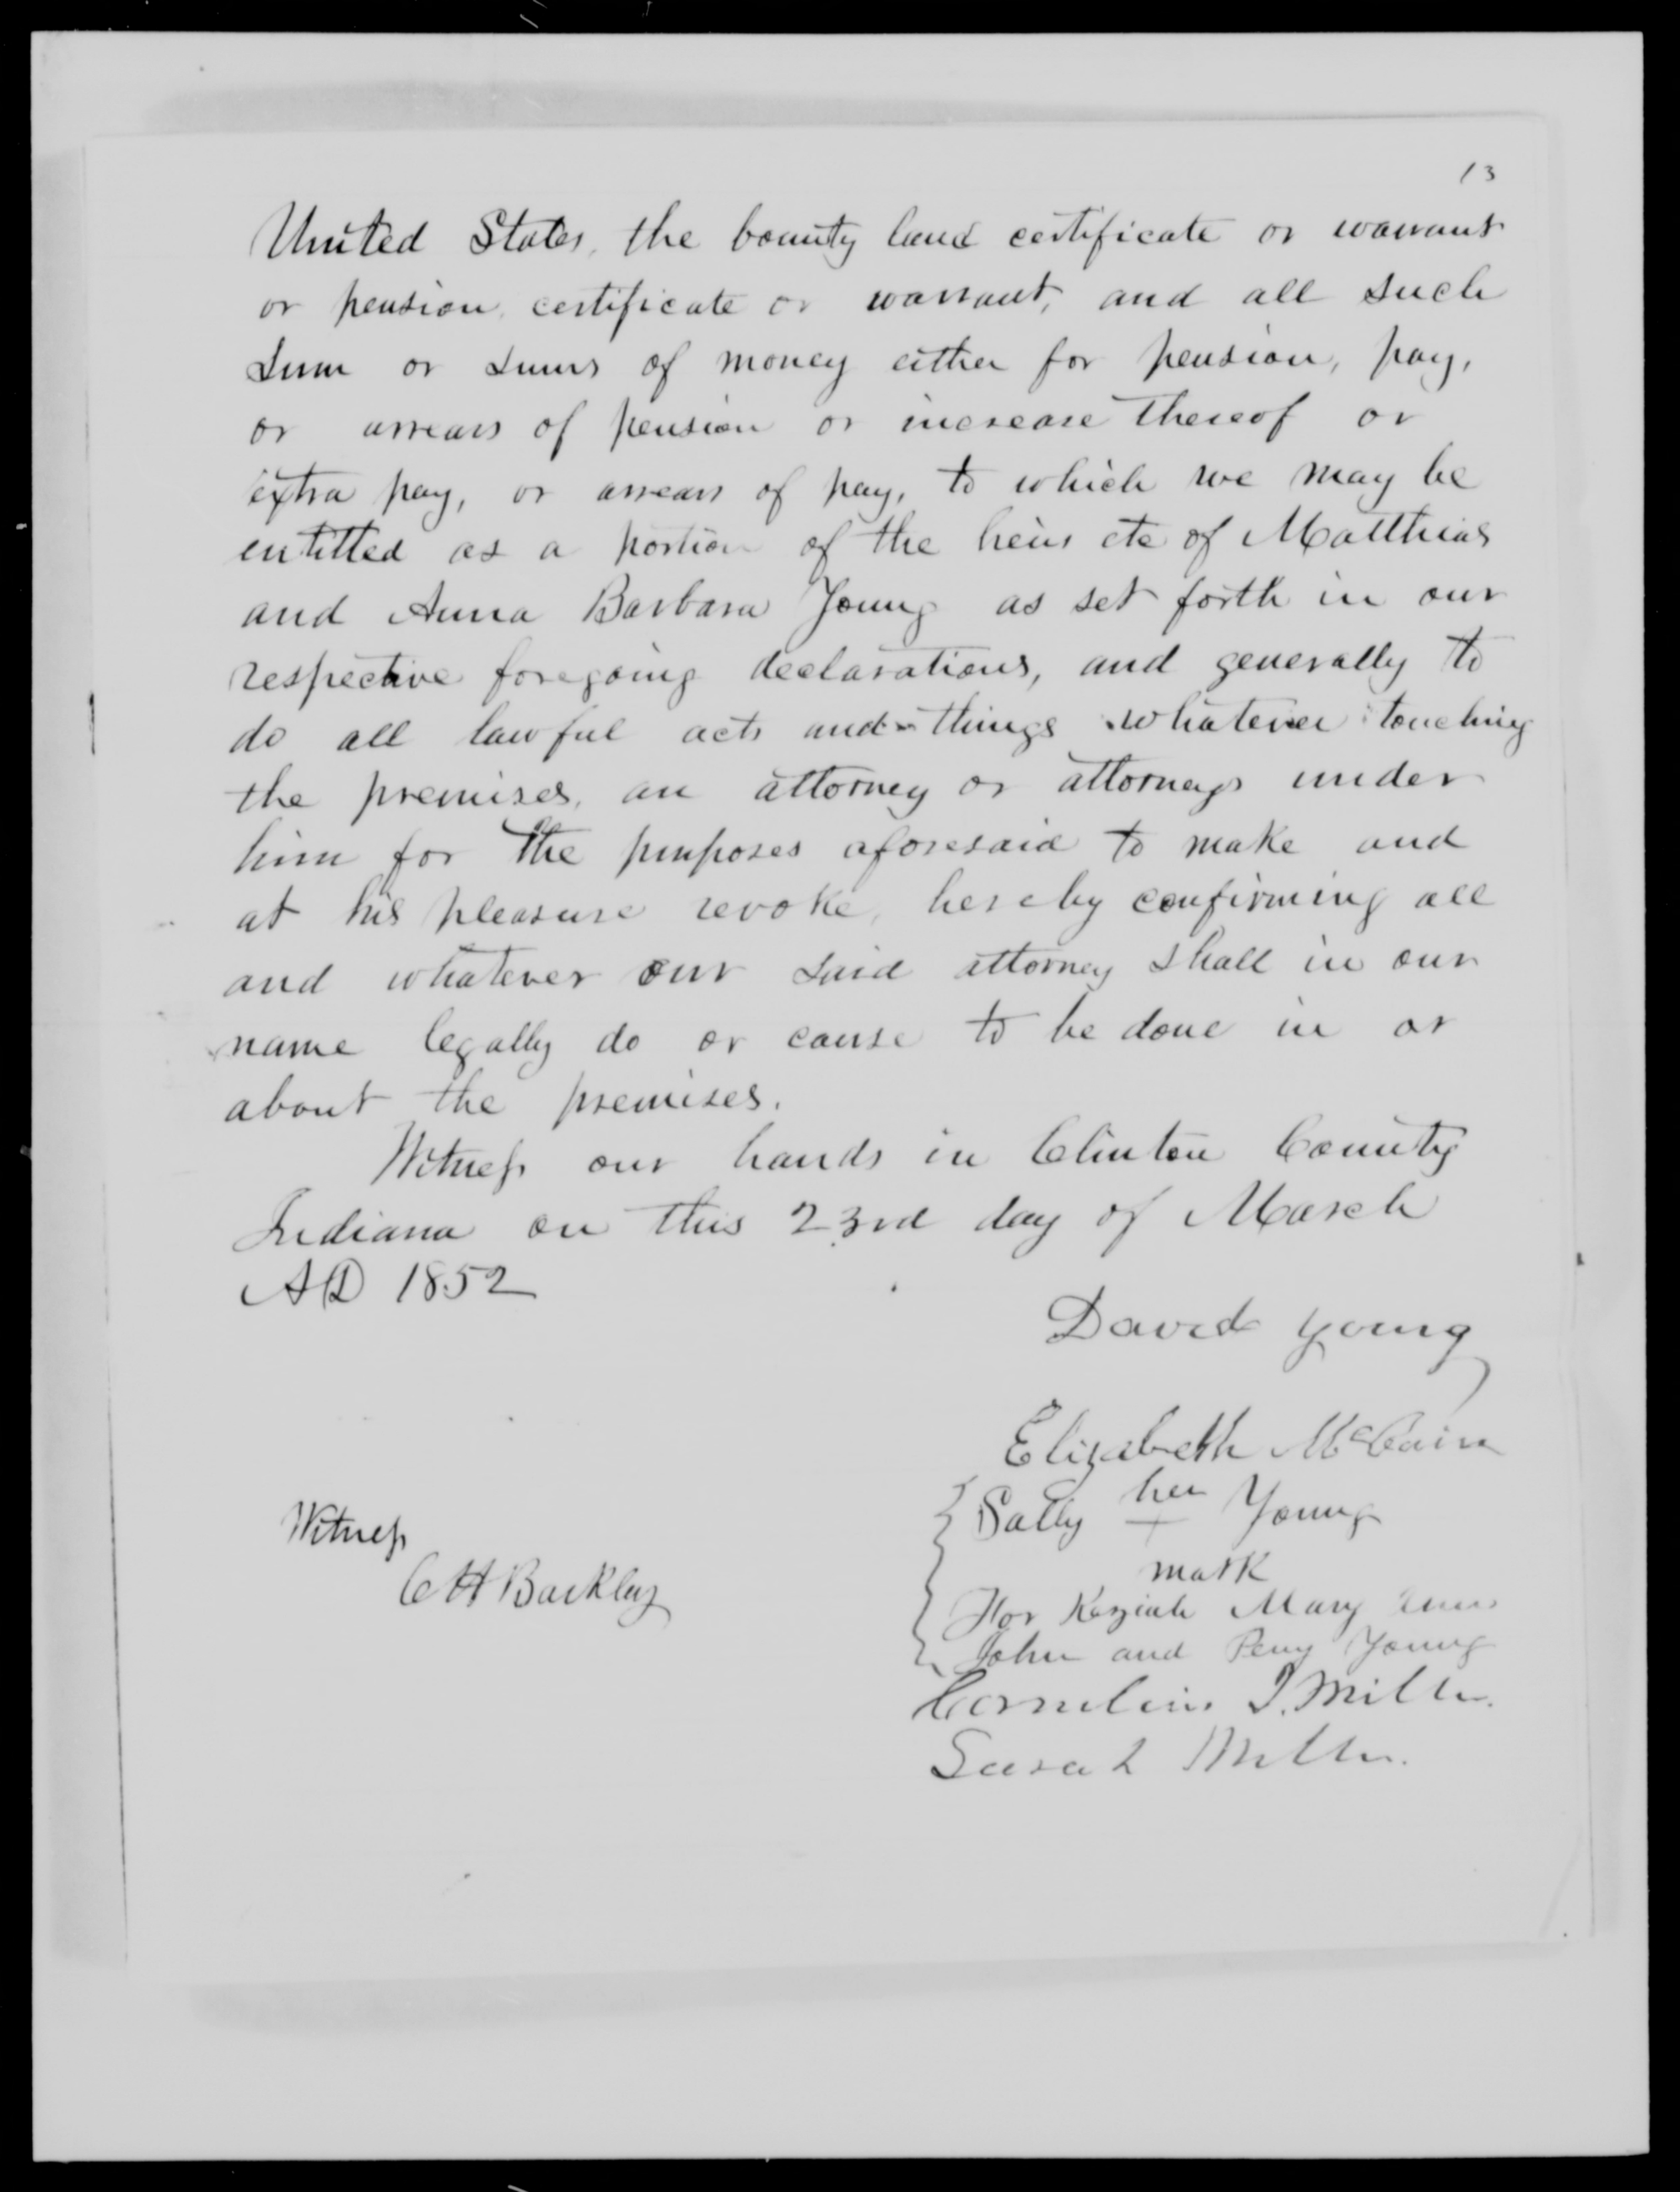13
United States the bounty land certificate or warrant
or pension certificate or warrant, and all such
sum or sums of money either for pension, pay.
or arrears of pension or increase thereof or
extra pay, or arrears of pay, to which we may be
entitled as a portion of the heirs etc of Matthias
and Anna Barbara Young as set forth in our
respective foregoing declarations, and generally to
do all lawful acts and things whatever touching
the premises, an attorney or attorneys under
him for the purposes aforesaid to make and
at his pleasure revoke, hereby confirming all
and whatever our said attorney shall in our
name legally do or cause to be done in or
about the premises
Witness our hands in Clinton County
Indiana on this 23rd day of March
AD 1852
David Young
Elizabeth McCain

Sally x Young her mark
For Keziah Mary
John and Perry Young

Cornelius J. Miller
Sarah Miller

Witness
C H Barkley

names: Mary Ann, Perry Young, Matthias Young, Sarah Miller, Anna Barbara Young, Sally Young, David Young, Keziah, Cornelius J Miller, John, Elizabeth Mc Cain, C H Barkley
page: 32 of 123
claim: rejected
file: R. 11,949, Matthias Young, Md.